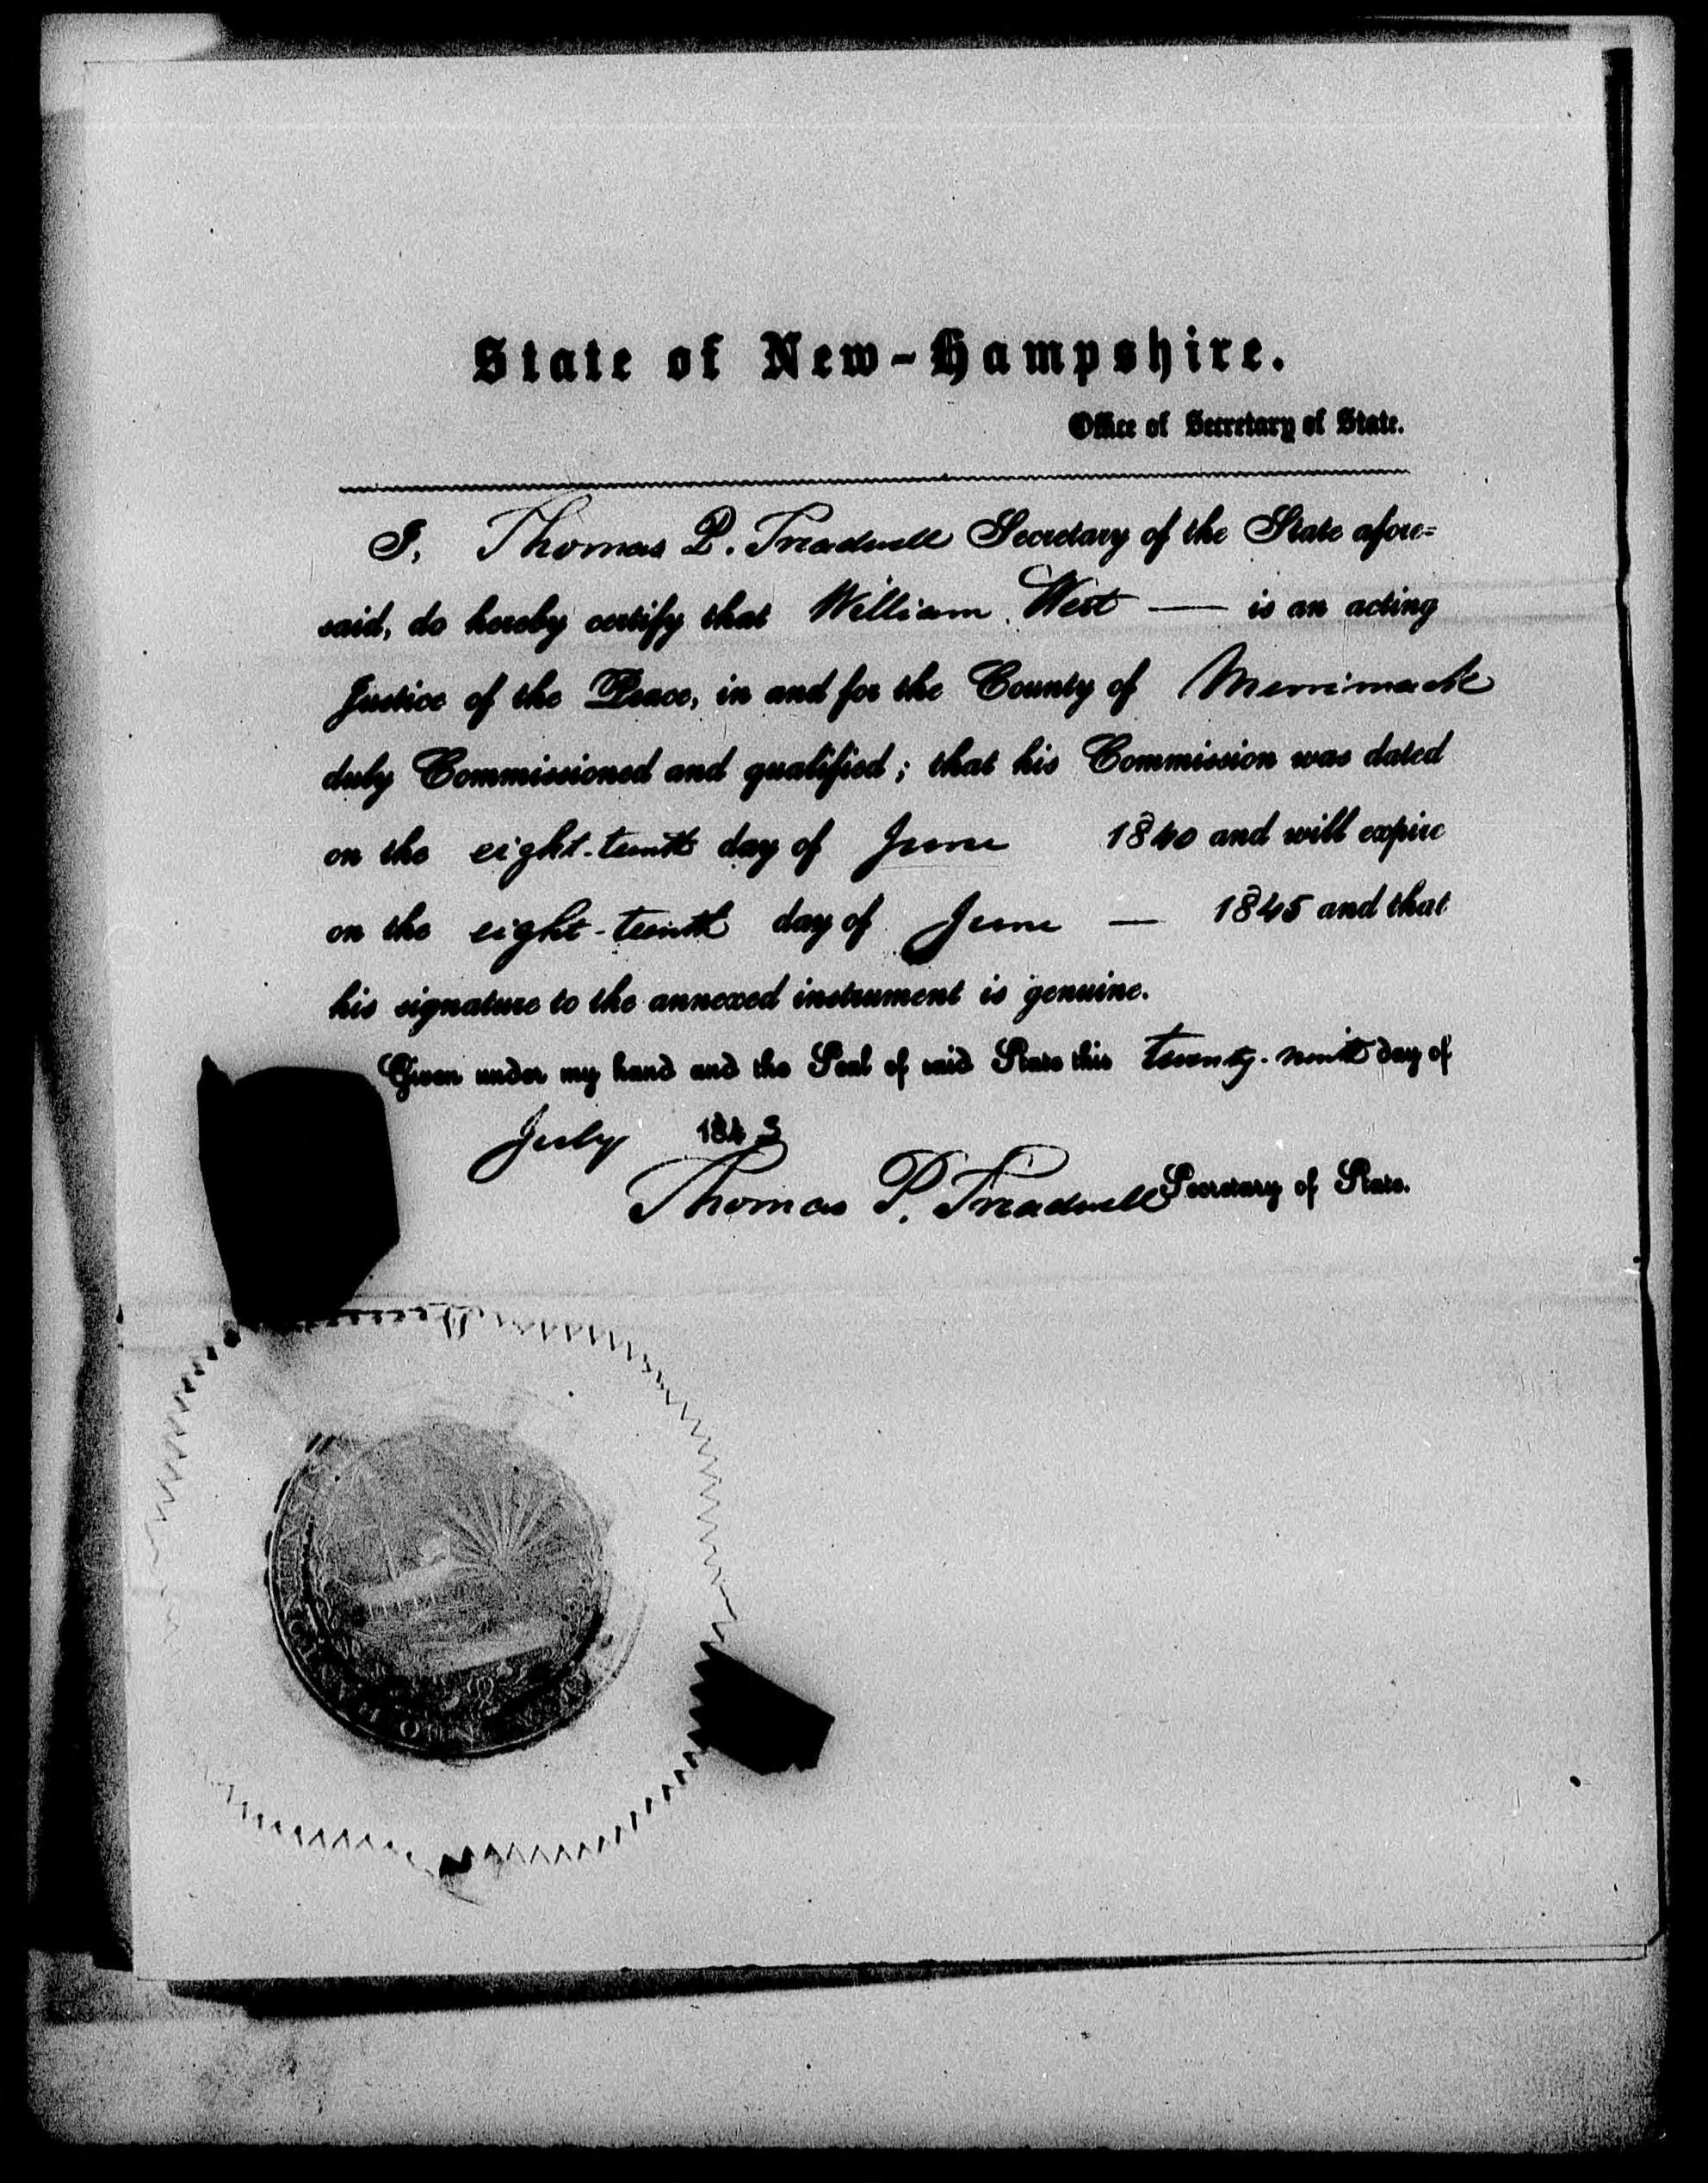State of New-Hampshire
Office of Secretary of State.
I, Thomas P. Treadwell Secretary of the State afore
said, do hereby certify that William West - is an acting
Justice of the Peace in and for the County of Merrimack
duly Commissioned and qualified; that his commission was dated
on the eighteenth day of June
1840 and will expire
on the eighteenth day of June
1845 and that
his signature to the annexed instrument is genuine.
Given under my hand and the Seal of said State this twenty ninth day of July 1843
Thomas P. Treadwell  Secretary of State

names: Thomas P Treadwell, William West, Thomas P Treadwell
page: 51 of 57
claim: widow's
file: W. 16,114, John Elliot, Continental (Mass) N.H.